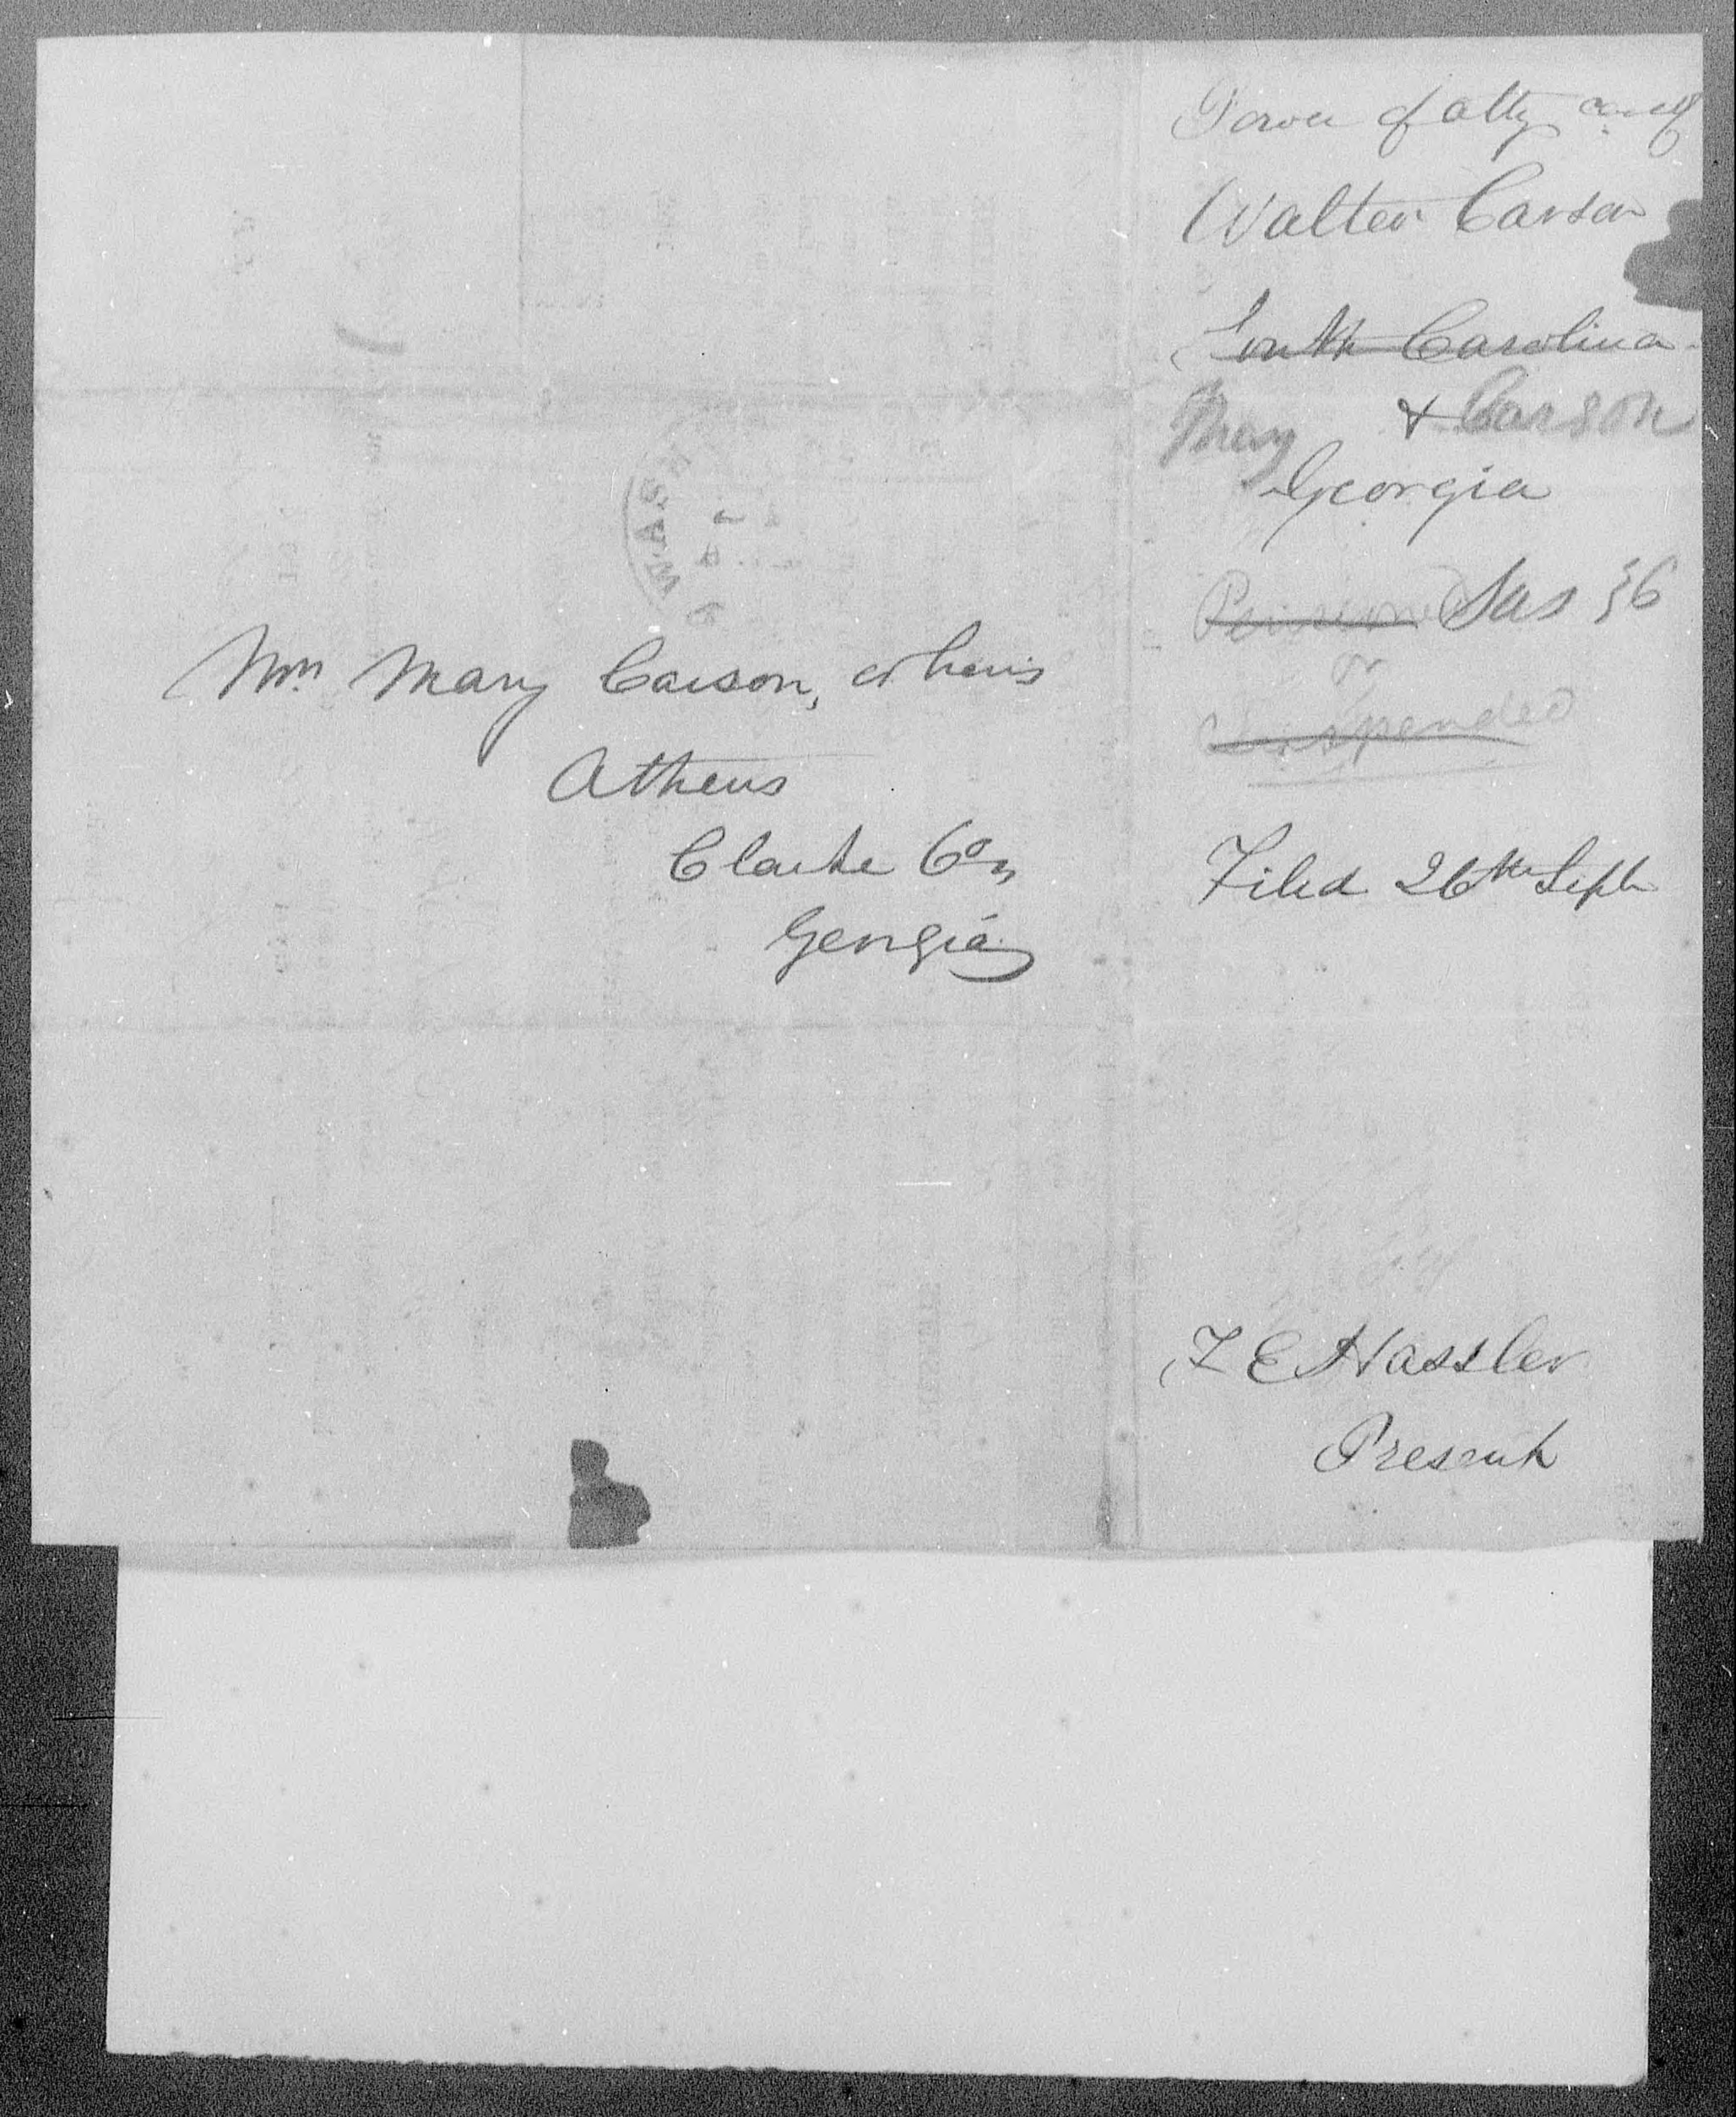[stamp - illegible]

Mrs. Mary Carson, or heirs
Athens
Clarke Co.
Georgia

Power of atty case of Walter Carson
South Carolina & Georgia
Mary Carson
Pensioned or Suspended

Filed 26th Sept.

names: Mary Carson, May Carson, Walter Carson, F E Hassler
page: 22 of 34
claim: rejected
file: R. 1,738, Walter Carson, N.C. S.C.